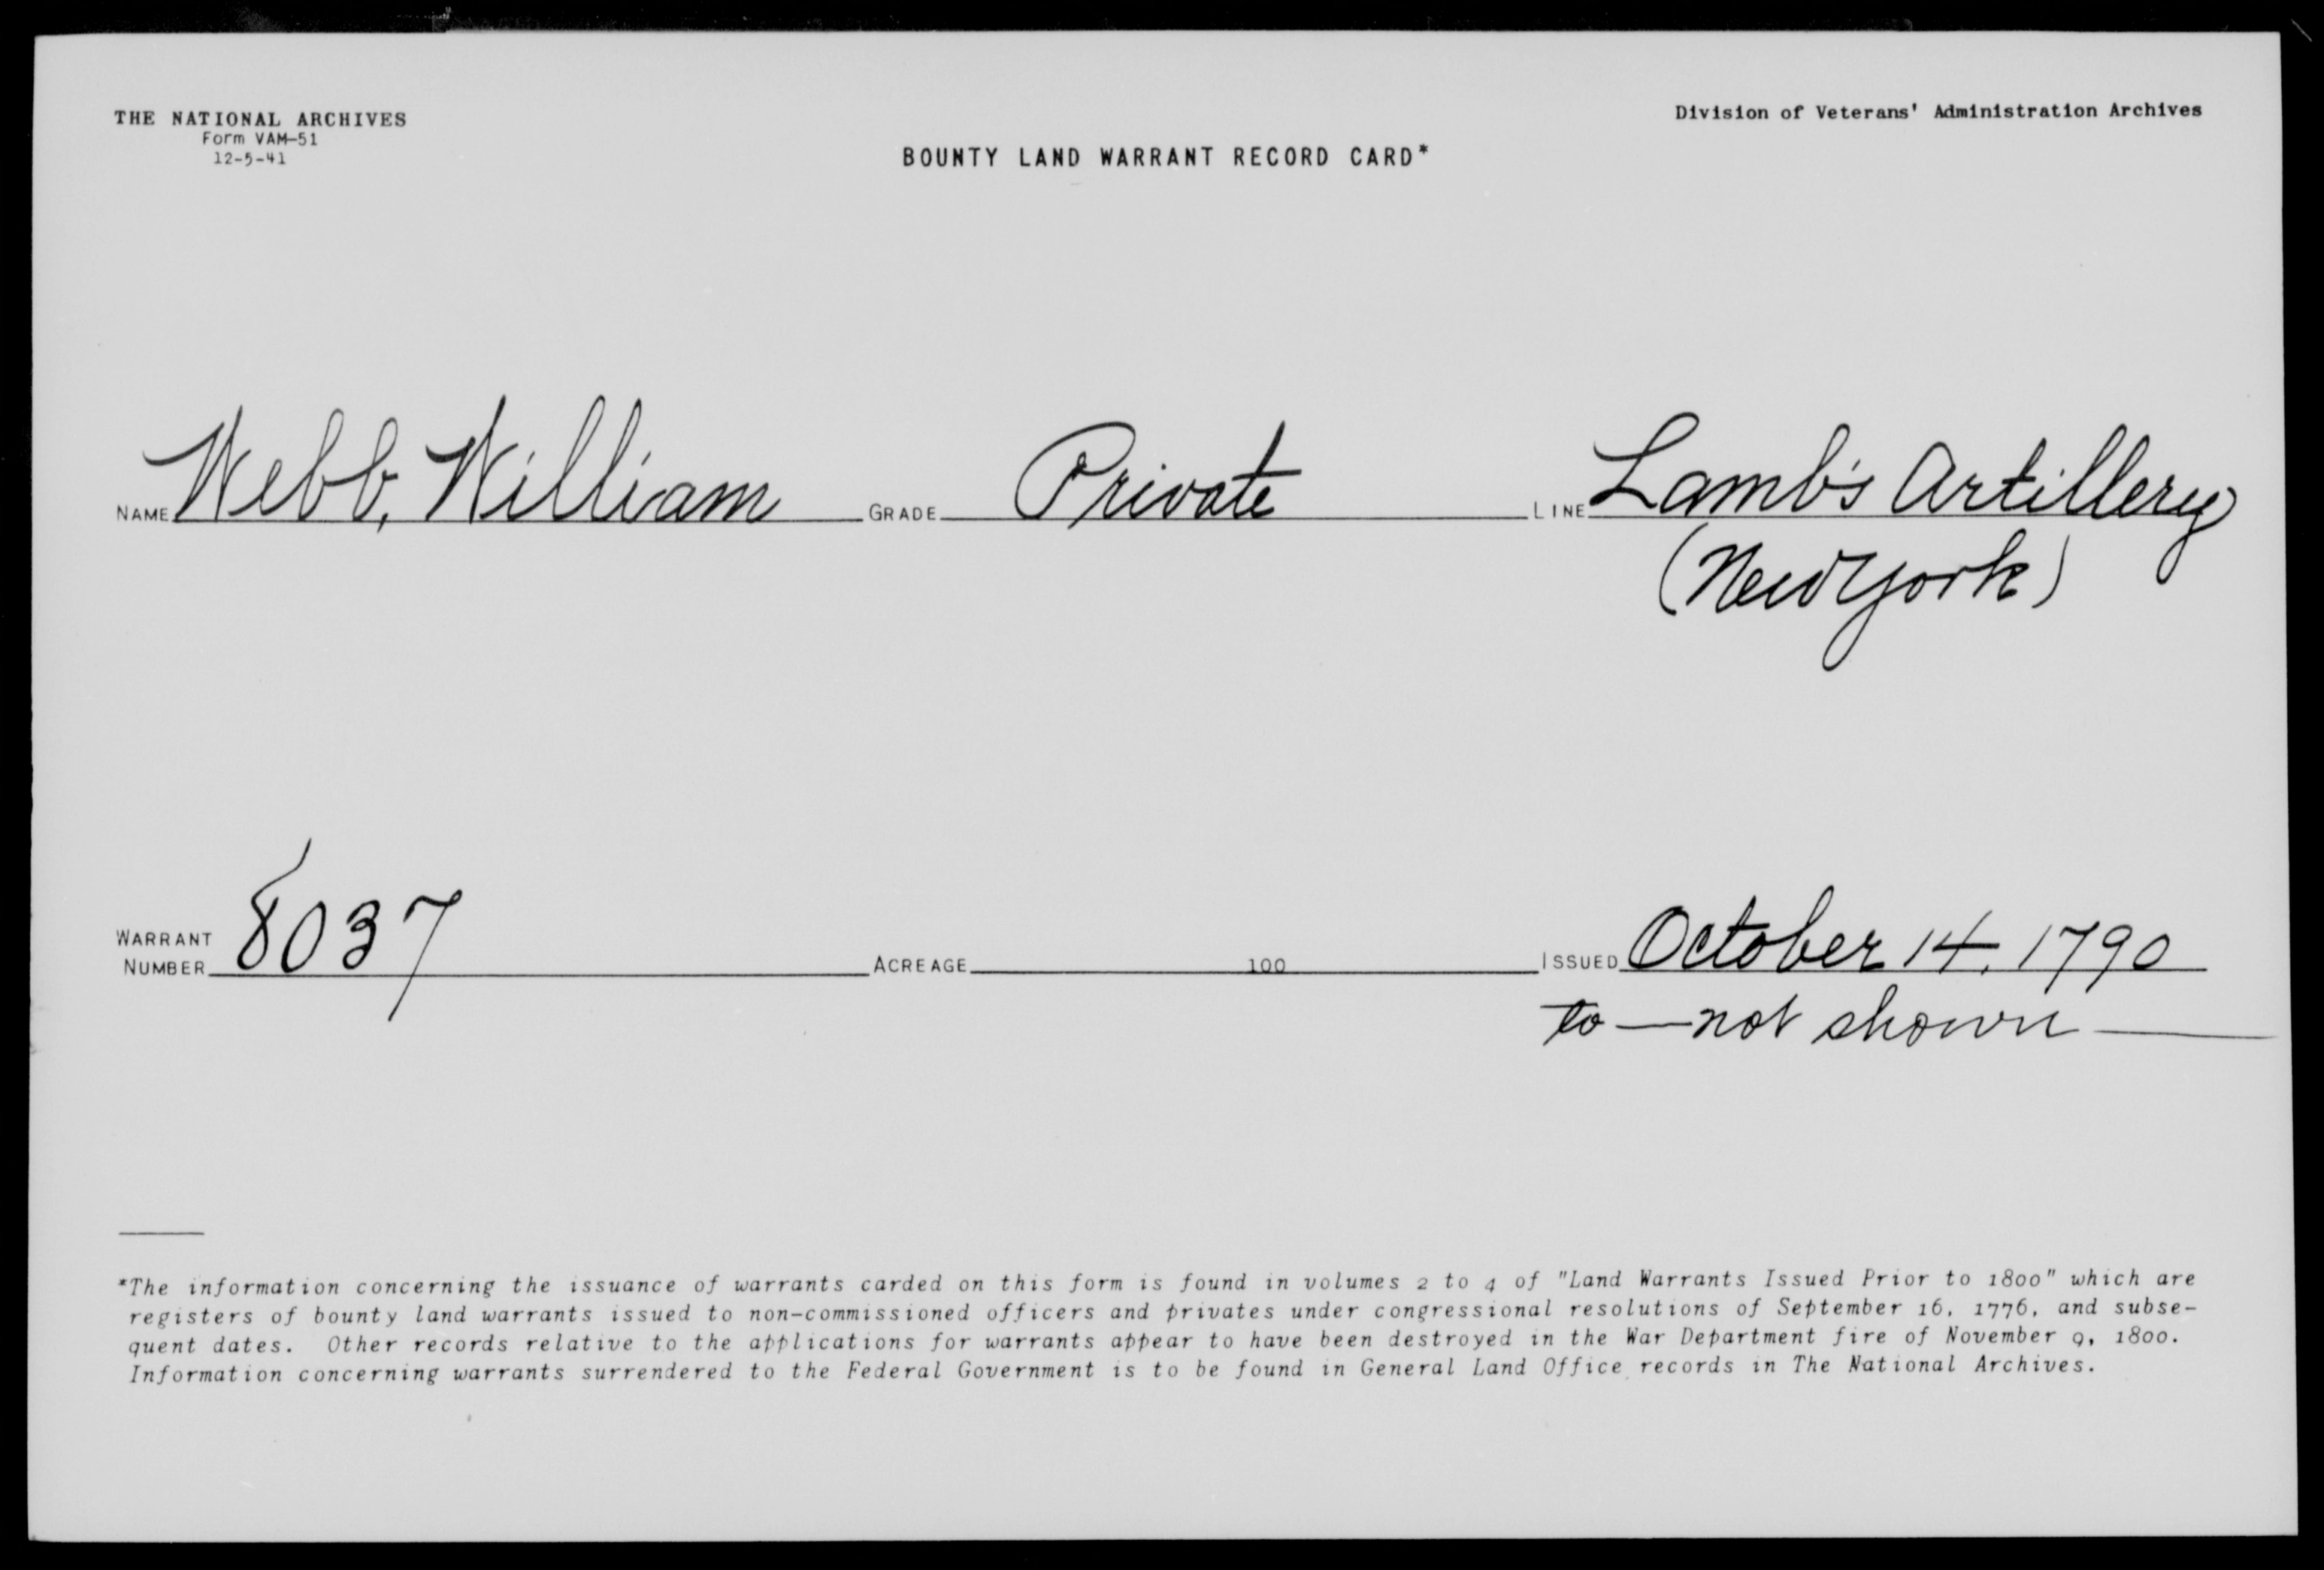The National Archives
Form Van-51
12-5-41
Division of Veterans' Administraton Archives

BOUNTY LAND WARRANT RECORD CARD*

Name: William Webb
Grade: Private
Line: Lamb's Artillery (New York)
Warrant number: 8037
Acreage: 100
Issued: October 14, 1790
to-----not shown

*The information concerning the issuance of warrants carded on this form is found in volumes 2 to 4 of "Land Warrants Issued Prior to 1800" which are registers of bounty land warrants issued to non-commissioned officers and privates under congressional resolutions of September 16, 1776 and subsequent dates. Other records relative to the applications for warrants appear to have been destroyed in the War Department fire November 9, 1800. Information concerning warrants surrendered to the Federal Government is to be found in General Land Office records in The National Archives.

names: William Webb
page: 14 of 14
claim: survivor's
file: S. 33888, Thomas Webb, Mass.